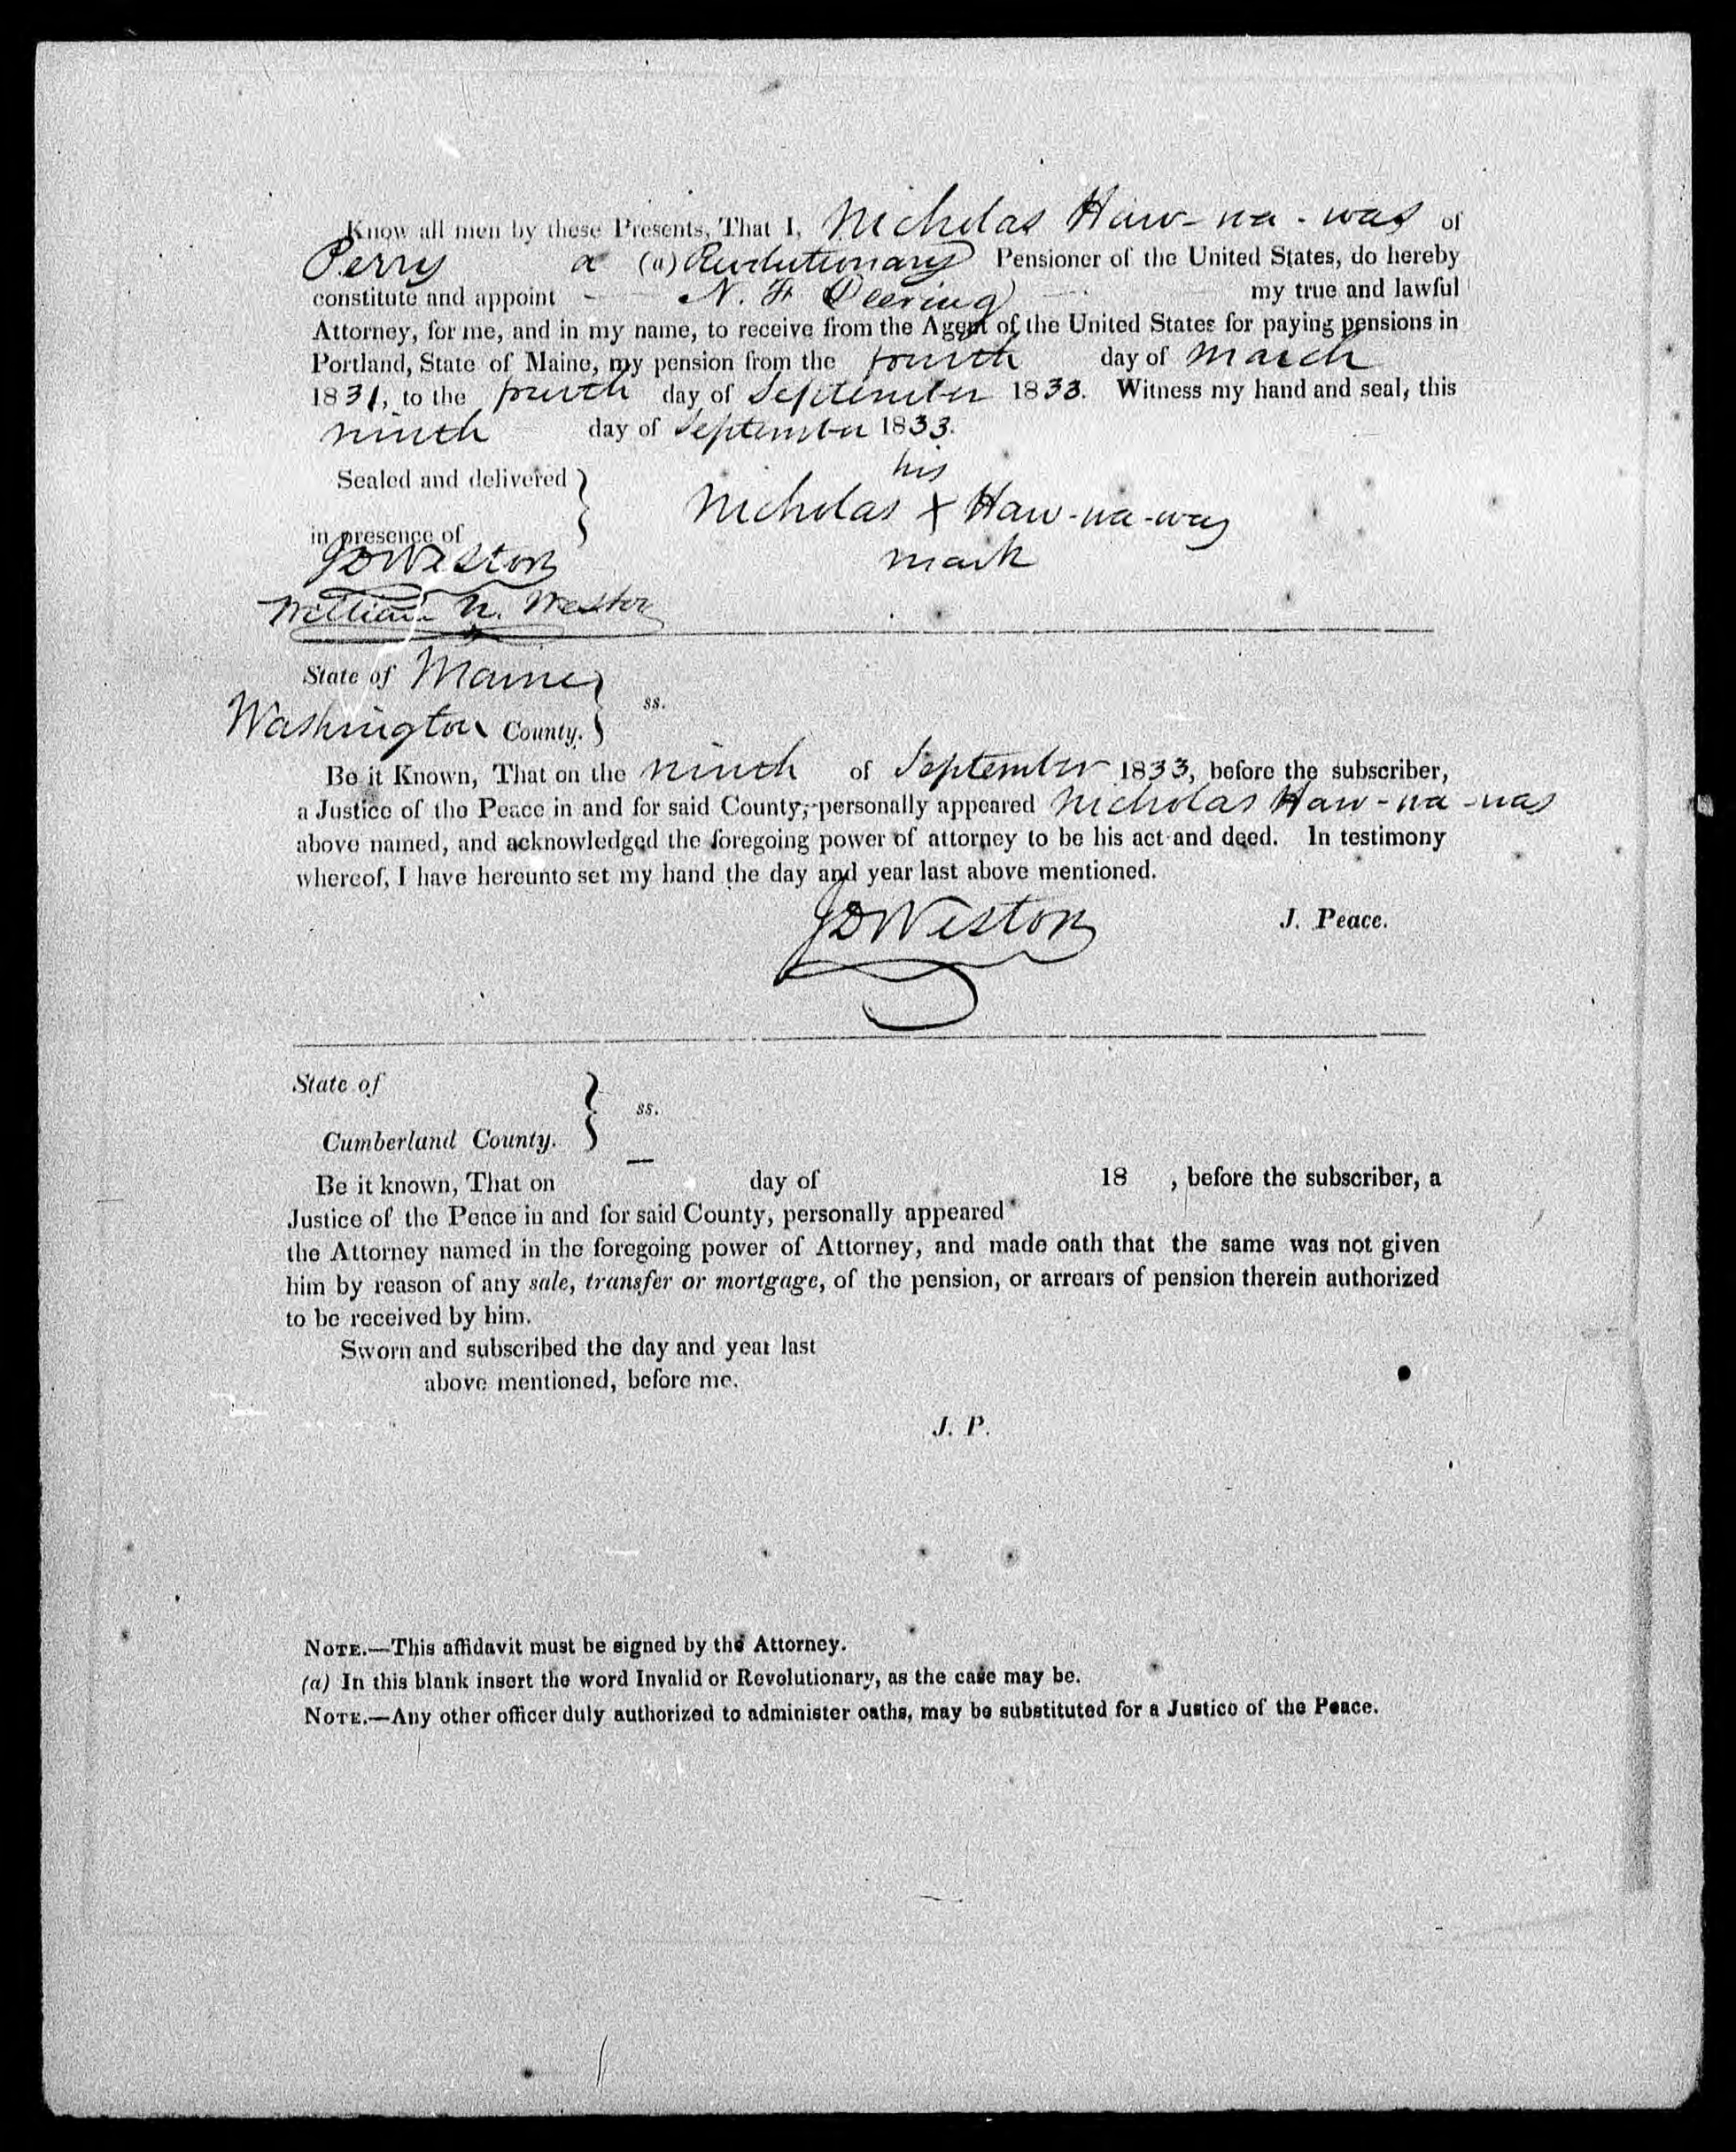Know all men by these Presents, That I, Nicholas Him-na-was of Perry a Revolutionary Pensioner of the United States, do hereby constitute and appoint N. H Deering my true and lawful Attorney, for me, and in my name, to receive from the Agent of the United States for paying pensions in Portland, State of Maine, my pension from the fourth day of March 1831, to the fourth day of September 1833. Witness my hand and seal, this ninth day of september 1833.

Sealed and delivered Nicholas his mark x Haw-wa-was

In presence of
JD Weston
William N Weston

State of Maine
Washington County.

Be it Known, That on the ninth of September 1833, before the subscriber, a Justice of the Peace in and for said County, personally appeared Nicholas Haw-na-was above named, and acknowledged the foregoing power of attorney to be his act and deed. In testimony whereof, I have hereunto set my hand the day and ear las above mentioned.


State of
Cumberland County.
Be it known, That on the      day of             18   , before the subscriber, a Justice of the Peace in and for said County, personally appeared                     
the Attorney named in the foregoing power of Attorney, and made oath thtat the same was not given him by reason of any sale, transfer, or mortgage, of the pension, or arrears of pension therein authorized to be received by him.
Sworn and subscribed the day and year last
above mentioned, before me.
 
                                                        J.P.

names: N F Deering, William N Weston, J D Weston, J D Weston, Nicholas Hawwawas, Nicholas Hawwawas, Nicholas Hawwawas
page: 21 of 52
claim: survivor's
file: S 17997, Nicholas Hawwawas, Mass.